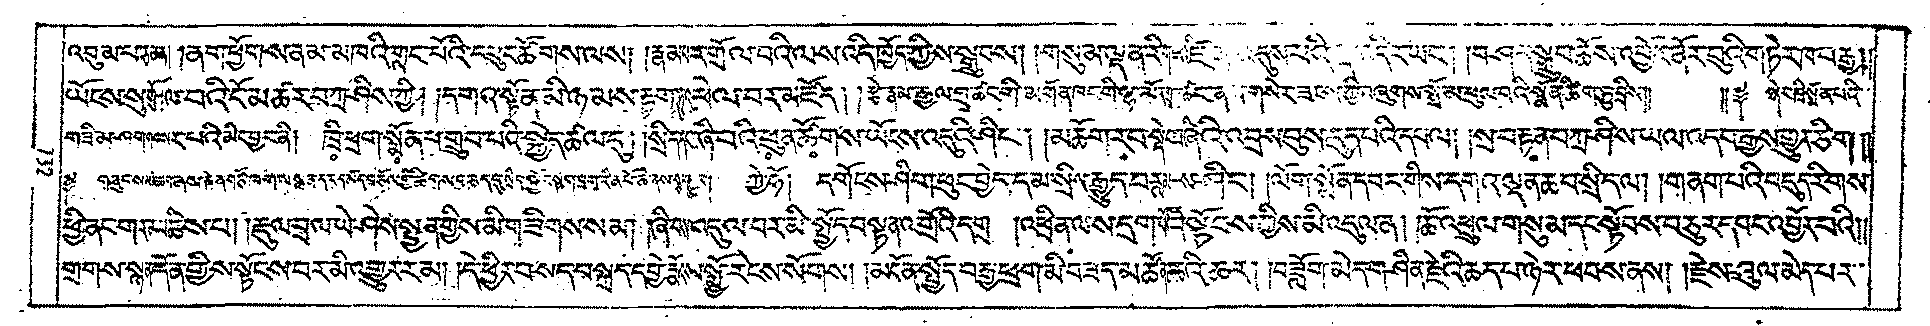འབུམ་པ་ཅན། །ནག་ཕྱོགས་ནམ་མཁའི་གླང་པོའི་དཔུང་ཚོགས་ལས། །རྣམ་པར་གྲོལ་བའི་ལས་འདི་ཁྱོད་ཀྱིས་སྒྲུབས། །གསུམ་ལྡན་རིག་འཛིན་འདུས་པའི་སྡེ་འདིར་ཡང་། །བཤད་སྒྲུབ་ཆོས་འབྱོར་ནོར་བུའི་གཏེར་ཁ་བརྒྱ། །
ཡོངས་སུ་གྲོལ་བའི་ངོ་མཚར་བཀྲ་ཤིས་ཀྱི། །དགའ་སྟོན་མི་ཉམས་རྟག་ཏུ་འཕེལ་བར་མཛོད། །རྩེ་རྣམ་རྒྱལ་གྲྭ་ཚང་གི་མགོན་ཁང་གི་ལྷ་མོར་གྲྭ་ཚང་ནས་གསེར་ཟངས་ཀྱི་བཞུགས་སྒྲོམ་ཕུལ་བའི་སྨོན་ཚིག་ཏུ་བྲིས།། །།༈ སྒེར་ཁྲི་སྨོན་པའི་
གཟིམ་ཤག་གསར་པའི་མིང་བྱང་ནི། ཁྲི྾་ཕྲག་སྨོན྾་པ་གྲུབ་པའི་སྐྱེད་ཚལ་དུ། །སྲིད་དང་ཞི་བའི་ཕུན྾་ཚོགས྾་ཡོངས་འདུའི་ཤིང་། །མཆོག་རབ྾་སྡེ་བཞིའི་འབྲས་བུས་དུད་པའི་དཔལ། །སྲ་བརྟན྾་བཀྲ་ཤིས་ཡལ་འདབ་རྒྱས་གྱུར་ཅིག །
༈ གཞུངས་མཆོག་ནས་རྟེན་གཙོ་ཁག་ལ་སྙན་དར་དམོད་བཅོལ་གྱི་ཚིགས་བཅད་དུ་སྲིད་སྐྱོང་སྟག་བྲག་རིན་པོ་ཆེ་ནས་སྩལ་རྒྱུར།  ཀྱེ་ཧོ། དགོངས་ཤིག་ཕུང་བྱེད་དམ་སྲིས་རྒྱུད་བརླམས་ཤིང་། །ལོག་སྨོན་དབང་གིས་དགའ་ལྡན་ཆབ་སྲིད་ལ། །གནག་པའི་བདུད་རིགས་
ཕྱི་ནང་གར་མཆིས་པ། །རྡུལ་བྲལ་ཡེ་ཤེས་སྤྱན་གྱིས་མི་གཟིགས་སམ། །ཞི་བས་འདུལ་བར་མི་སྤྱོད་བསྟན་འགྲོའི་དགྲ། །འཕྲིན་ལས་དྲག་པོའི་སྟོབས་ཀྱིས་མི་འདུལ་ན། །ཆོ་འཕྲུལ་གསུམ་དང་སྟོབས་བཅུར་དབང་འབྱོར་བའི། །
གྲགས་སྙན་དོན་གྱིས་སྟོངས་པར་མི་འགྱུར་རམ། །དེ་ཕྱིར་བསད་བསྐྲད་དབྱེ་རྨོངས་སྨྱོ་རེངས་སོགས། །མངོན་སྤྱོད་བརྒྱ་ཕྲག་མི་བཟད་མཚོན་ཆའི་ཆར། །བཟློག་མེད་གཤིན་རྗེའི་ཆད་པ་ཉེར་ཕབས་ནས། །རྗེས་ཤུལ་མེད་པར་